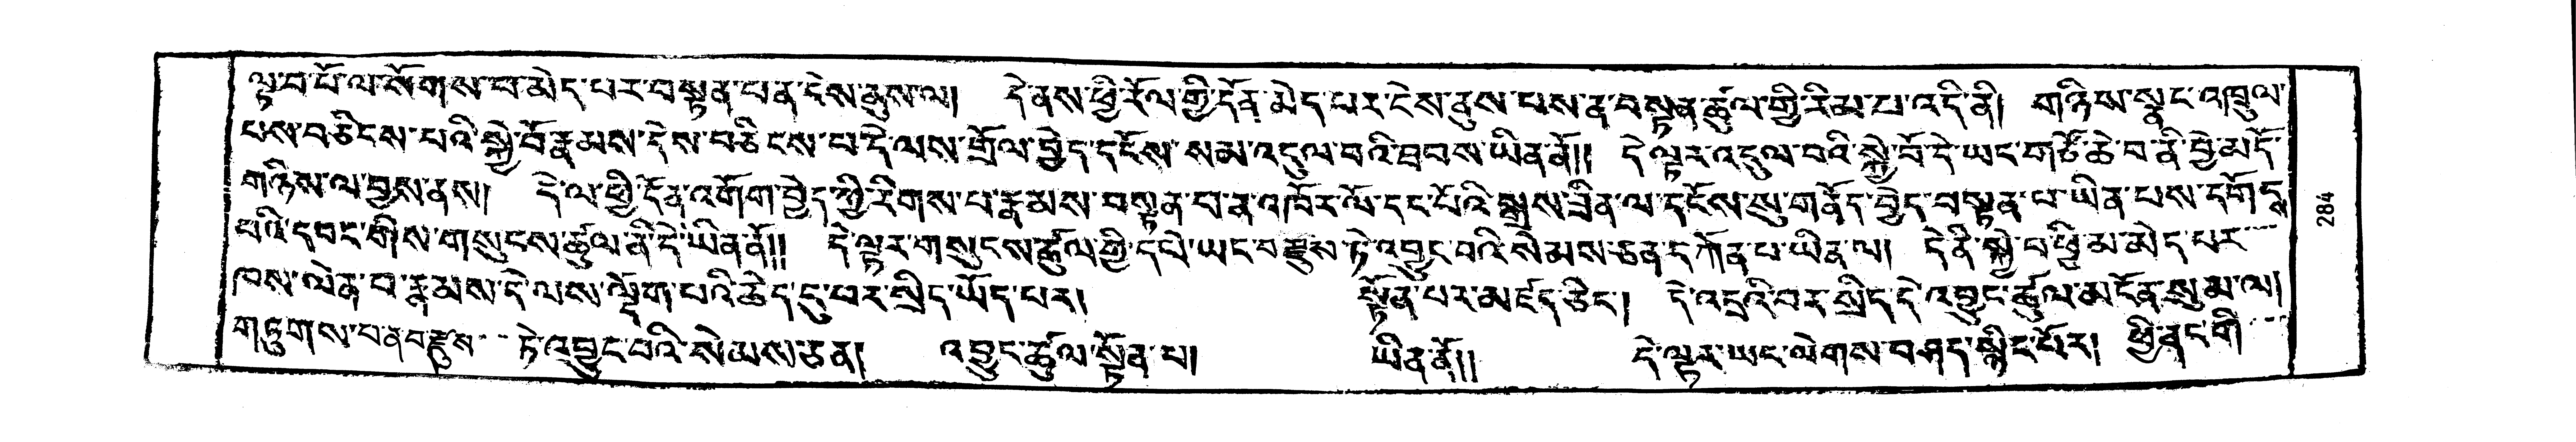ལྟ་བ་པོ་ལ་སོགས་པ་མེད་པར་བསྟན་པ་ན་དེས་ནུས་ལ། དེ་ནས་ཕྱི་རོལ་གྱི་དོན་མེད་པར་ངེས་ནུས་པས་ན་བསྟན་ཚུལ་གྱི་རིམ་པ་འདི་ནི། གཉིས་སྣང་འཁྲུལ་
པས་བཅིངས་པའི་སྐྱེ་བོ་རྣམས་དེས་བཅིངས་པ་དེ་ལས་གྲོལ་བྱེད་དངོས་སམ་འདུལ་བའི་ཐབས་ཡིན་ནོ། །དེ་ལྟར་འདུལ་བའི་སྐྱེ་བོ་དེ་ཡང་གཙོ་ཆེ་བ་ནི་བྱེ་མདོ་
གཉིས་ལ་བྱས་ནས། དེ་ལ་ཕྱི་དོན་འགོག་བྱེད་ཀྱི་རིགས་པ་རྣམས་བསྟན་པ་ན་འཁོར་ལོ་དང་པོའི་སྒྲས་ཟིན་ལ་དངོས་སུ་གནོད་བྱེད་བསྟན་པ་ཡིན་པས་དགོངས་
པའི་དབང་གིས་གསུངས་ཚུལ་ནི་དེ་ཡིན་ནོ། །དེ་ལྟར་གསུངས་ཚུལ་གྱི་དཔེ་ཡང་བརྫུས་ཏེ་འབྱུང་བའི་སེམས་ཅན་དཀོན་པ་ཡིན་ལ། དེ་ནི་སྐྱེ་བ་ཕྱི་མ་མེད་པར་
ཁས་ལེན་པ་རྣམས་དེ་ལས་ལྡོག་པའི་ཆེད་དུ་བར་སྲིད་ཡོད་པར། སྟོན་པར་མཛད་ཅིང་། དེ་འདྲའི་བར་སྲིད་དེ་འབྱུང་ཚུལ་མངོན་སུམ་ལ།
གཏུགས་པ་ན་བརྫུས་ཏེ་འབྱུང་བའི་སེམས་ཅན། འབྱུང་ཚུལ་སྟོན་པ། ཡིན་ནོ། །དེ་ལྟར་ཡང་ལེགས་བཤད་སྙིང་བོར། ཕྱི་ནང་གི་